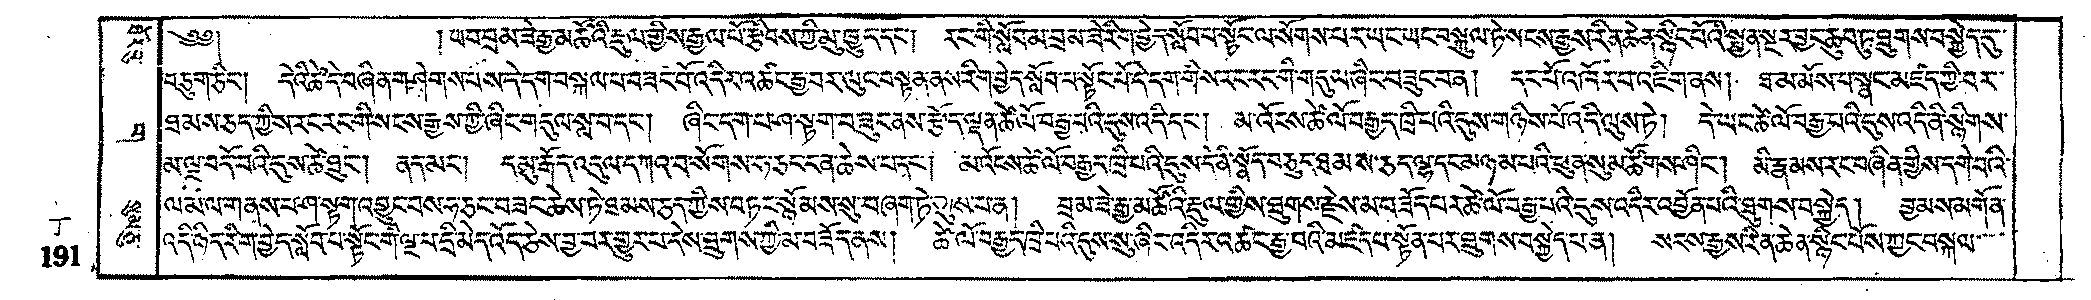༄༅། །ཡབ་བྲམ་ཟེ་རྒྱ་མཚོའི་རྡུལ་གྱིས་རྒྱལ་པོ་རྩིབས་ཀྱི་མུ་ཁྱུད་དང་། རང་གི་སློབ་མ་བྲམ་ཟེ་རིག་བྱེད་སློབ་པ་སྟོང་ལ་སོགས་པར་ཡང་ཡང་བསྐུལ་ཏེ་སངས་རྒྱས་རིན་ཆེན་སྙིང་པོའི་སྤྱན་སྔར་བྱང་ཆུབ་ཏུ་ཐུགས་བསྐྱེད་དུ་་་
བཅུག་ཅིང་། དེའི་ཚེ་དེ་བཞིན་གཤེགས་པས་དེ་དག་བསྐལ་པ་བཟང་པོ་འདིར་འཚང་རྒྱ་བར་ལུང་བསྟན་ནས་རིག་བྱེད་སློབ་པ་སྟོང་པོ་དེ་དག་གིས་རང་རང་གི་གདུལ་ཞིང་བཟུང་བ་ན། དང་པོ་འཁོར་བ་འཇིག་ནས། ཐ་མ་མོས་པ་སྣང་མཛད་ཀྱི་བར་་་
ཐམས་ཅད་ཀྱིས་རང་རང་གི་སངས་རྒྱས་ཀྱི་ཞིང་གདུལ་སླ་བ་དང་། ཞིང་དག་པ་ཤ་སྟག་བཟུང་ནས་རྩོད་ལྡན་ཚེ་ལོ་བརྒྱ་པའི་དུས་འདི་དང་། མ་འོངས་ཚེ་ལོ་བརྒྱད་ཁྲི་པའི་དུས་གཉིས་པོ་འདི་ལུས་ཏེ། དེ་ཡང་ཚེ་ལོ་བརྒྱ་པའི་དུས་འདི་ནི་སྙིགས་
མ་ལྔ་བདོ་བའི་དུས་ཚེ་ཐུང་། ནད་མང་། དམུ་རྒོད་འདུལ་དཀའ་བ་སོགས་ཧ་ཅང་ངན་ཆེས་པ་དང་། མ་འོངས་ཚེ་ལོ་བརྒྱད་ཁྲི་པའི་དུས་དེ་ནི་སྣོད་བཅུང་ཐམས་ཅད་ལྷ་དང་མཉམ་པའི་ཕུན་སུམ་ཚོགས་ཤིང་། མི་རྣམས་རང་བཞིན་གྱིས་དགེ་བའི་
ལམ་ལ་གནས་པ་ཤ་སྟག་འབྱུང་བས་ཧ་ཅང་བཟང་ཆེས་ཏེ་ཐམས་ཅད་ཀྱིས་བཏང་སྙོམས་སུ་བཞག་ཏེ་ལུས་པ་ན། བྲམ་ཟེ་རྒྱ་མཚོའི་རྡུལ་གྱིས་ཐུགས་རྗེས་མ་བཟོད་པར་ཚེ་ལོ་བརྒྱ་པའི་དུས་འདིར་འབྱོན་པའི་ཐུགས་བསྐྱེད། བྱམས་མགོན་
འདི་ཉིད་རིག་བྱེད་སློབ་པ་སྟོང་གི་ལྔ་པ་དྲི་མེད་འོད་ཅེས་བྱ་བར་གྱུར་པ་དེས་ཐུགས་ཀྱི་མ་བཟོད་ནས། ཚེ་ལོ་བརྒྱད་ཁྲི་པའི་དུས་སུ་ཞིང་འདིར་འཚང་རྒྱ་བའི་མཛད་པ་སྟོན་པར་ཐུགས་བསྐྱེད་པ་ན། སངས་རྒྱས་རིན་ཆེན་སྙིང་པོས་ཀྱང་བསྐལ་་་